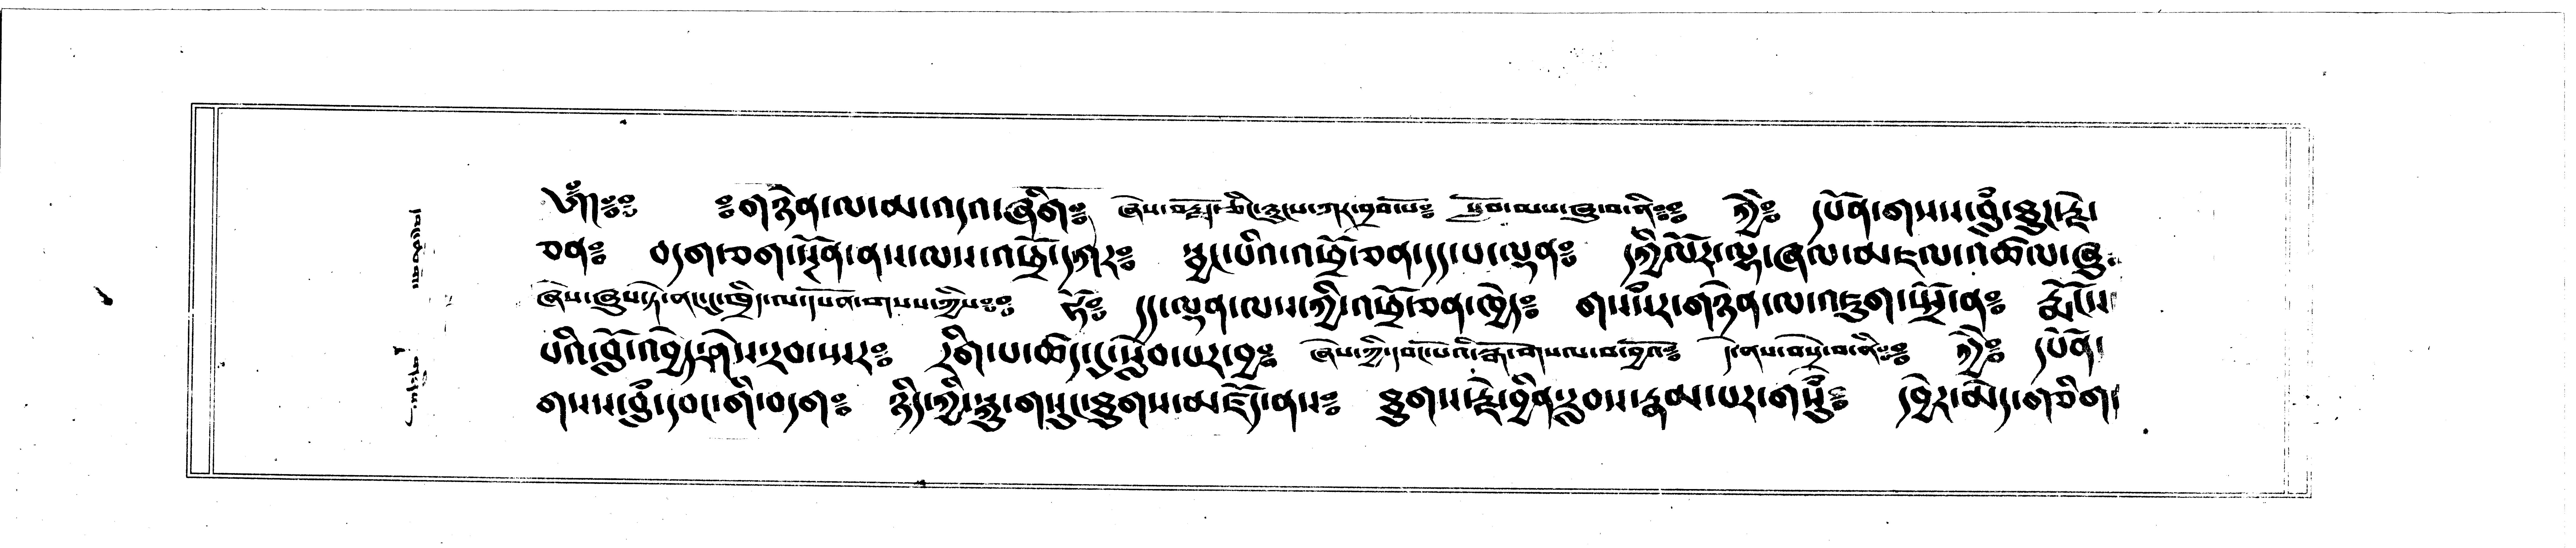༔༔ ༔གཉེན་ལ་མ་འདའ་ཞིག༔ཞེས་བརྗོད་ཅིང་ཉུངས་ཀར་བྲབ་བོ༔སློབ་མས་ཞུ་བ་ནི༔༔ཀྱཻ༔དཔོན་གསས་བླ་མ་ཐུགས་རྗེ་
ཅན༔བདག་ཅག་སྔོན་ནས་ལས་འཕྲོ་དཀར༔སྦྱངས་པའི་འཕྲོ་ཅན་དད་པ་ལྡན༔དཀྱིལ་འཁོར་ལྷ་ཞལ་མཇལ་འཚལ་ཞུ༔
ཞེས་ཞུས་ཏེ་ནང་དུ་ཁྲིད་ལ་དཔོན་གསས་ཀྱིས༔༔ཧོ༔ དད་ལྡན་ལས་ཀྱི་འཕྲོ་ཅན་ཁྱེད༔གསས་མཁར་གཉེན་ལ་འཇུག་སྤྲོ་ན༔རྨོངས་
པའི་བློ་འབྱེད་ཤེས་རབ་སྤར༔རིག་པ་ཚད་དུ་སླེབས་པར་བྱ༔ཞེས་ཀྱི་དབང་པོའི་སྒོ་གསལ་བ་བྱའོ༔དེ་ནས་བསྲེ་བ་ནི༔༔ཀྱཻ༔ དཔོན་
གསས་བླ་མ་དབང་གི་བདག༔ཉིད་ཀྱི་སྐུ་གསུང་ཐུགས་མཛོད་ནས༔ ཐུགས་རྗེ་བྱིན་རླབས་རྣམ་པ་གསུམ༔དབྱེར་མེད་གཅིག་